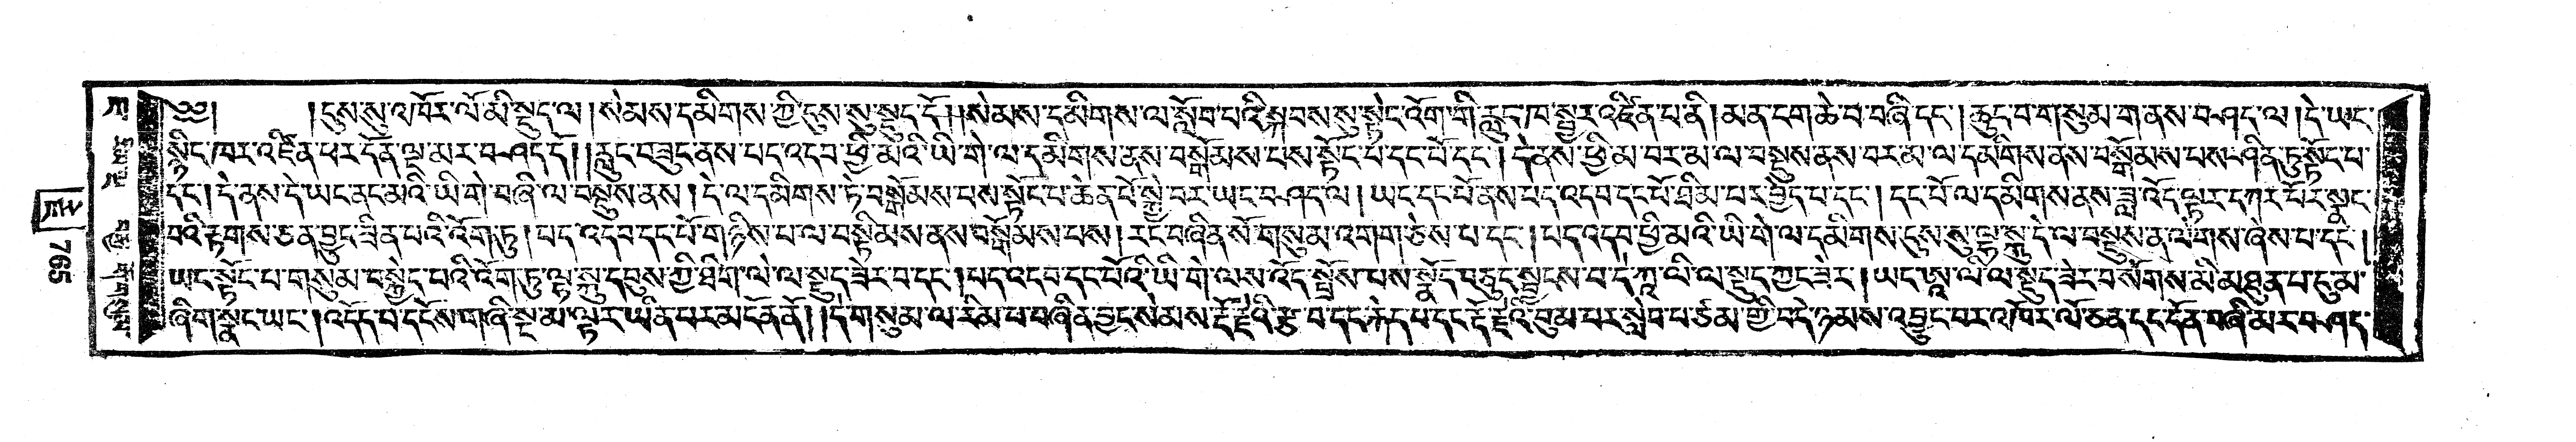༄༅། །དུས་སུ་འཁོར་ལོ་མི་སྡུད་ལ། སེམས་དམིགས་ཀྱི་དུས་སུ་སྡུད་དོ། །སེམས་དམིགས་ལ་སློབ་པའི་སྐབས་སུ་སྟེང་འོག་གི་རླུང་ཁ་སྦྱར་འཛིན་པ་ནི། མན་ངག་ཆེ་བ་བཞི་དང་། ཆུང་བ་གསུམ་ག་ནས་བཤད་ལ། དེ་ཡང་
སྙིང་ཁར་འཛིན་པར་དོན་ལྔ་མར་བཤད་དོ། །རླུང་བཟུང་ནས་པད་འདབ་ཕྱི་མའི་ཡི་གེ་ལ་དམིགས་ནས་བསྒོམས་པས་སྟོང་པ་དང་པོ་དང་། དེ་ནས་ཕྱི་མ་བར་མ་ལ་བསྡུས་ནས་བར་མ་ལ་དམིགས་ནས་བསྒོམས་པས་ཤིན་ཏུ་སྟོང་པ་
དང་། དེ་ནས་དེ་ཡང་ནང་མའི་ཡི་གེ་བཞི་ལ་བསྡུས་ནས། དེ་ལ་དམིགས་ཏེ་བསྒོམས་པས་སྟོང་པ་ཆེན་པོ་སྐྱེ་བར་ཡང་བཤད་ལ། ཡང་དང་པོ་ནས་པད་འདབ་དང་པོ་ཐིམ་པར་བྱེད་པ་དང་། དང་པོ་ལ་དམིགས་ནས་ཟླ་འོད་ལྟར་དཀར་པོར་སྣང་
བའི་རྟགས་ཅན་བྱུང་ཟིན་པའི་འོག་ཏུ། པད་འདབ་དང་པོ་གཉིས་པ་ལ་བསྟིམས་ནས་བསྒོམས་པས། རང་བཞིན་སོ་གསུམ་འགག་ཅེས་པ་དང་པད་འདབ་ཕྱི་མའི་ཡི་གེ་ལ་དམིགས་དུས་སུ་ལྷ་སྐུ་དེ་ལ་བསྡུས་ན་ལེགས་ཞེས་པ་དང་།
ཡང་སྟོང་པ་གསུམ་བསྐྱེད་པའི་འོག་ཏུ་ལྷ་སྐུ་དབུས་ཀྱི་ཐིག་ལེ་ལ་སྡུད་ཟེར་བ་དང་། པད་འདབ་དང་པོའི་ཡི་གེ་ལས་འོད་སྤྲོས་པས་སྣོད་བཅུད་སྦྱངས་པ་དེ་ཀཱ་ལི་ལ་སྡུད་ཀྱང་ཟེར། ཡང་ཨཱ་ལི་ལ་སྡུད་ཟེར་བ་སོགས་མི་མཐུན་པ་དུ་མ་
ཞིག་སྣང་ཡང་། འདོད་པ་དངོས་གཞི་སྔ་མ་ལྟར་ཡིན་པར་མངོན་ནོ། །དེ་གསུམ་ལ་རིམ་པ་བཞིན་བྱང་སེམས་རྡོ་རྗེའི་རྩ་བ་དང་རྐེད་པ་དང་རྡོ་རྗེའི་བུམ་པར་སླེབ་པ་ཙམ་གྱི་བདེ་ཉམས་འབྱུང་བར་འཁོར་ལོ་ཅན་དང་དོན་བཞི་མར་བཤད་